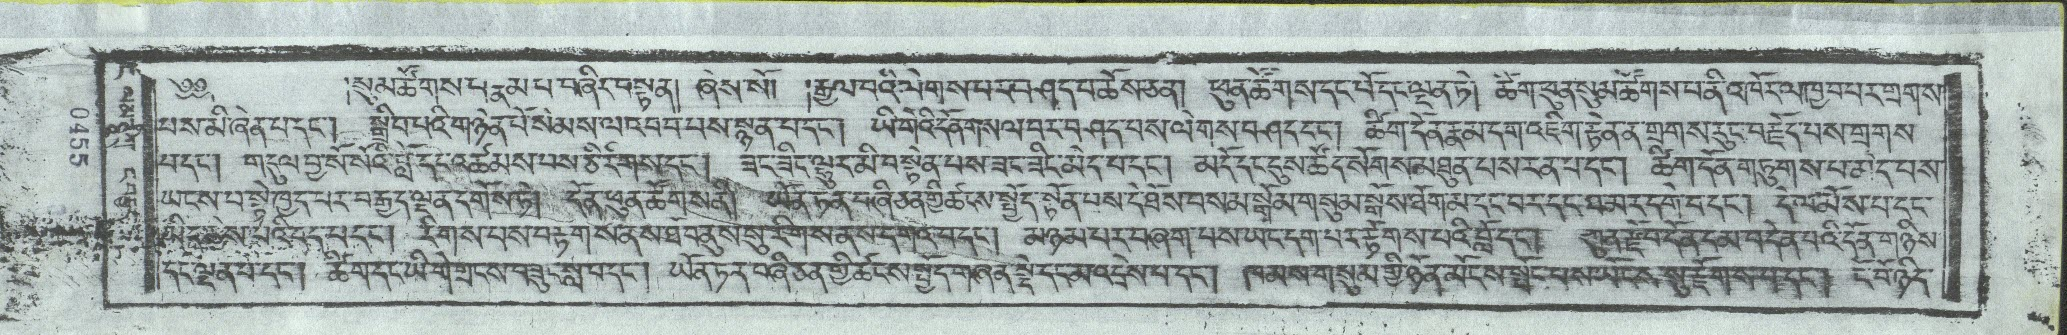༄༅། །སུམ་ཚོགས་པ་རྣམ་པ་བཞིར་བསྟན། ཞེས་སོ། །རྒྱལ་བའི་ལེགས་པར་བཤད་པ་ཆོས་ཅན། ཕུན་ཚོགས་དང་པོ་དང་ལྡན་ཏེ། ཚིག་ཕུན་སུམ་ཚོགས་པ་ནི་འཁོར་ལ་ཁྱབ་པར་གྲགས་
པས་མི་ཞེན་པ་དང་། སྒྲིབ་པའི་གཉེན་པོ་སེམས་ལ་འབབ་པས་སྙན་པ་དང་། ཡི་གེའི་དོན་གསལ་བར་བཤད་པས་ལེགས་བཤད་དང་། ཚིག་དོན་རྣམ་དག་འཇིག་རྟེན་ན་གྲགས་རུང་བརྗོད་པས་གྲགས་
པ་དང་། གདུལ་བྱ་སོ་སོའི་བློ་དང་འཚམས་པས་ཅི་རིགས་དང་། ཟང་ཟིང་ལྷུར་མི་བསྙེན་པས་ཟང་ཟིང་མེད་པ་དང་། མདོ་དང་དུས་ཚོད་སོགས་མཐུན་པས་རན་པ་དང་། ཚིག་དོན་གཏུགས་པ་མེད་པས་
ཡངས་པ་སྟེ་ཁྱད་པར་བརྒྱད་ལྡན་དགོས་ཏེ། དོན་ཕུན་ཚོགས་ནི། ཡོན་ཏན་བཞི་ཅན་གྱི་ཚངས་སྤྱོད་སྟོན་པས་དེ་ཐོས་བསམ་སྒོམ་གསུམ་སྒོས་ཐོག་མ་དང་བར་དང་ཐ་མར་དགེ་བ་དང་། དེ་ལ་མོས་པ་དང་།
ཡིད་ཆེས་པའི་དད་པ་དང་། རིགས་པས་བརྟགས་ནས་ཐོབ་ནུས་སུ་རིགས་ནས་དགའ་བ་དང་། མཉམ་པར་བཞག་པས་ཡང་དག་པར་རྟོགས་པའི་བློ་དང་། ཀུན་རྫོབ་དོན་དམ་བདེན་པའི་དོན་གཉིས་
དང་ལྡན་པ་དང་། ཚིག་དང་ཡི་གེ་གྲངས་བཟུང་སླ་བ་དང་། ཡོན་ཏན་བཞི་ཅན་གྱི་ཚངས་སྤྱོད་གཞན་སྡེ་དང་མ་འདྲེས་པ་དང་། ཁམས་གསུམ་ཀྱི་ཉོན་མོངས་སྤོང་པས་ཡོངས་སུ་རྫོགས་པ་དང་། ངོ་ལོ་ཉིད་